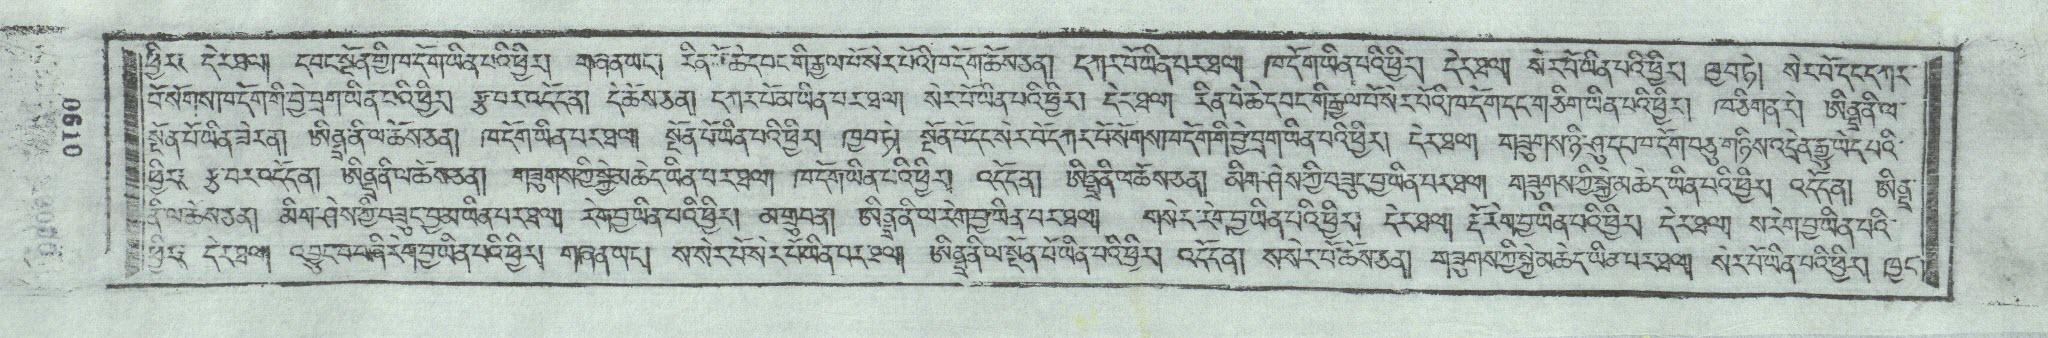ཕྱིར༑ དེར་ཐལ། དབང་སྔོན་གྱི་ཁ་དོག་ཡིན་པའི་ཕྱིར། གཞན་ཡང་། རིན་པོ་ཆེ་དབང་གི་རྒྱལ་པོ་སེར་པོའི་ཁ་དོག་ཆོས་ཅན། དཀར་པོ་ཡིན་པར་ཐལ། ཁ་དོག་ཡིན་པའི་ཕྱིར། དེར་ཐལ། སེར་པོ་ཡིན་པའི་ཕྱིར། ཁྱབ་ཏེ། སེར་པོ་དང་དཀར་
པོ་སོགས་ཁ་དོག་གི་བྱེ་བྲག་ཡིན་པའི་ཕྱིར། རྩ་བར་འདོད་ན། དེ་ཆོས་ཅན། དཀར་པོ་མ་ཡིན་པར་ཐལ། སེར་པོ་ཡིན་པའི་ཕྱིར། དེར་ཐལ། རིན་པོ་ཆེ་དབང་གི་རྒྱལ་པོ་སེར་པོའི་ཁ་དོག་དང་གཅིག་ཡིན་པའི་ཕྱིར། ཁ་ཅིག་ན་རེ། ཨིནྡྲ་ནི་ལ་
སྔོན་པོ་ཡིན་ཟེར་ན། ཨིནྡྲ་ནི་ལ་ཆོས་ཅན། ཁ་དོག་ཡིན་པར་ཐལ། སྔོན་པོ་ཡིན་པའི་ཕྱིར། ཁྱབ་ཏེ། སྔོན་པོ་དང་སེར་པོ་དཀར་པོ་སོགས་ཁ་དོག་གི་བྱེ་བྲག་ཡིན་པའི་ཕྱིར། དེར་ཐལ། གཟུགས་ཉི་ཤུ་དང་ཁ་དོག་བཅུ་གཉིས་འདྲེན་རྒྱུ་ཡོད་པའི་
ཕྱིར༑ རྩ་བར་འདོད་ན། ཨིནྡྲ་ནི་ལ་ཆོས་ཅན། གཟུགས་ཀྱི་སྐྱེ་མཆེད་ཡིན་པར་ཐལ། ཁ་དོག་ཡིན་པའི་ཕྱིར། འདོད་ན། ཨིནྡྲ་ནི་ལ་ཆོས་ཅན། མིག་ཤེས་ཀྱི་བཟུང་བྱ་ཡིན་པར་ཐལ། གཟུགས་ཀྱི་སྐྱེ་མཆེད་ཡིན་པའི་ཕྱིར། འདོད་ན། ཨིནྡྲ་
ནི་ལ་ཆོས་ཅན། མིག་ཤེས་ཀྱི་བཟུང་བྱ་མ་ཡིན་པར་ཐལ། རེག་བྱ་ཡིན་པའི་ཕྱིར། མ་གྲུབ་ན། ཨིནྡྲ་ནི་ལ་རེག་བྱ་ཡིན་པར་ཐལ། གསེར་རེག་བྱ་ཡིན་པའི་ཕྱིར། དེར་ཐལ། རྡོ་རེག་བྱ་ཡིན་པའི་ཕྱིར། དེར་ཐལ། ས་རེག་བྱ་ཡིན་པའི་
ཕྱིར༑ དེར་ཐལ། འབྱུང་བ་བཞི་རེག་བྱ་ཡིན་པའི་ཕྱིར། གཞན་ཡང་། ས་སེར་པོ་སེར་པོ་ཡིན་པར་ཐལ། ཨིནྡྲ་ནི་ལ་སྔོན་པོ་ཡིན་པའི་ཕྱིར། འདོད་ན། ས་སེར་པོ་ཆོས་ཅན། གཟུགས་ཀྱི་སྐྱེ་མཆེད་ཡིན་པར་ཐལ། སེར་པོ་ཡིན་པའི་ཕྱིར། ཁྱད་